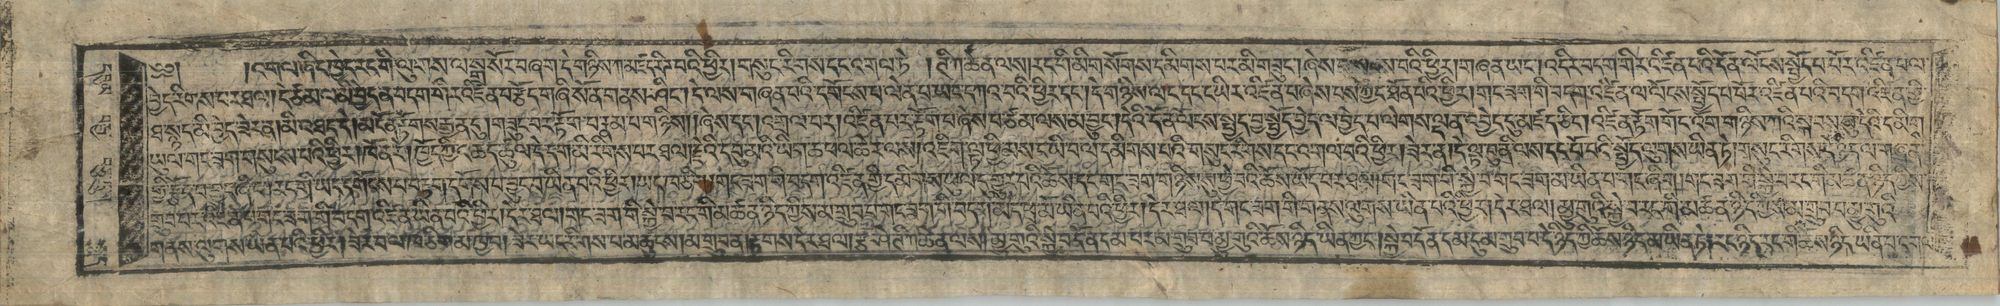༄༅། །འགལ་ཞིང་ཁྱེད་རང་གི་ལུགས་ལ་སྒྲ་སོར་བཞག་དེ་གཉིས་ཀ་མཛད་རིགས་པའི་ཕྱིར། གསུང་རིགས་དང་འགལ་ཏེ། ཊིཀ་ཆེན་ལས། རང་གི་མིག་སོགས་དམིགས་པར་མི་གཟུང་། ཞེས་གསུངས་པའི་ཕྱིར། གཞན་ཡང་། འདིར་བདག་གིར་འཛིན་པའི་དོན་ལོངས་སྤྱོད་པ་པོར་འཛིན་པ་ལ་
བྱེད་རིགས་པར་ཐལ། དེ་ཙམ་ལ་མི་བྱེད་ན་བདག་གིར་འཛིན་པ་རྩོད་གཞི་སོ་ན་གནས་ཤིང་། དེ་ལས་གཞན་པའི་དགོངས་པ་ལེན་པ་ཡང་དཀའ་པའི་ཕྱིར་དང་། དེ་གཉིས་ལ་ང་དང་ང་ཡིར་འཛིན་པ་ཞེས་པས་ཀྱང་ཐོན་པའི་ཕྱིར། གང་ཟག་གི་བདག་འཛིན་ལ་ལོངས་སྤྱོད་པ་བོར་འཛིན་པའི་བདག་འཛིན་གྱི་
ཐ་སྙད་མི་བྱེད་ཟེར་ན། མི་འཐད་དེ། མངོན་རྟོགས་རྒྱན་དུ། གཟུང་བར་རྟོག་པ་རྣམ་པ་གཉིས། །ཞེས་དང་། འགྲེལ་པར། འཛིན་པར་རྟོག་པ་ཞེས་བ་ཙམ་ལས་མ་བྱུང་། དེའི་དོན་ལོངས་སྤྱད་བྱ་སྤྱོད་བྱེད་ལ་བྱེད་པ་ལེགས་ལྡན་འབྱེད་དུ་མཛད་ཅིང་། འཛིན་རྟོག་གོང་འོག་གཉིས་ཀའི་སྐབས་སུ་དེའི་དམིགས་
ཡུལ་གང་ཟག་གསུངས་པའི་ཕྱིར། ཁོ་ན་རེ། ཁྱོད་ཀྱི་འཆད་ཚུལ་དེ་དག་མི་རིགས་པར་ཐལ། རྗེའི་དབུ་མའི་ཡིག་ཆ་ཕལ་ཆེར་ལས། འཇིག་ལྟ་ཕྱི་མས་ང་ཡི་བ་ལ་དམིགས་པའི་གསུང་རིགས་དང་འགལ་བའི་ཕྱིར། ཟེར་ན། དེ་ལྟ་བུ་ནི་ལས་དང་པོ་བའི་སྤྱོད་ལུགས་ཡིན་ཏེ། གསུང་རིགས་དེ་ཉིད་ལ་གཞན་
གྱི་རྩོད་བ་བྱུང་ཞིང་། རང་གི་ཡང་དགོངས་པ་བརྟག་དགོས་པ་བྱུང་བ་ཡིན་པའི་ཕྱིར། ཡང་ཁ་ཅིག །གང་ཟག་གི་བདག་འཛིན་གྱི་དམིགས་ཡུལ་དུ་གྱུར་པའི་ཆོས་དང་གང་ཟག་གཉིས་སུ་ཕྱེ་བའི་ཆོས་ཡོད་པར་ཐལ། གང་ཟག་གི་སྐྱེ་བ་གང་ཟག་མ་ཡིན་པ་གང་ཞིག །གང་ཟག་གི་སྐྱེ་བ་རང་གི་མཚན་ཉིད་ཀྱིས་
གྲུབ་པར་འཛིན་པ་གང་ཟག་གི་བདག་འཛིན་ཡིན་པའི་ཕྱིར། དེར་ཐལ། གང་ཟག་གི་སྐྱེ་བ་རང་གི་མཚན་ཉིད་ཀྱིས་མ་གྲུབ་པ་གང་ཟག་གི་བདག་མེད་ཕྲ་མོ་ཡིན་པའི་ཕྱིར། དེར་ཐལ། དེ་གང་ཟག་གི་གནས་ལུགས་ཡིན་པའི་ཕྱིར། དེར་ཐལ། མྱུ་གུའི་སྐྱེ་བ་རང་གི་མཚན་ཉིད་ཀྱིས་མ་གྲུབ་པ་མྱུ་གུའི་
གནས་ལུགས་ཡིན་པའི་ཕྱིར། ཟེར་བ་ལ་ཁ་ཅིག་མ་ཁྱབ། ཟེར་ཡང་རིགས་པ་མཚུངས། མ་གྲུབ་ན། རྟགས་དེར་ཐལ། རྩ་ཤེ་ཊིཀ་ཆེན་ལས། མྱུ་གུའི་སྐྱེ་བ་དོན་དམ་པར་མ་གྲུབ་པ་མྱུ་གུའི་ཆོས་ཉིད་ཡིན་ཀྱང་། སྐྱེ་བ་དོན་དམ་དུ་མ་གྲུབ་པ་དེ་ཉིད་ཀྱི་ཆོས་ཉིད་མ་ཡིན་ཏེ། རང་ཉིད་རང་གི་ཆོས་ཉིད་ཡིན་པ་འགལ་